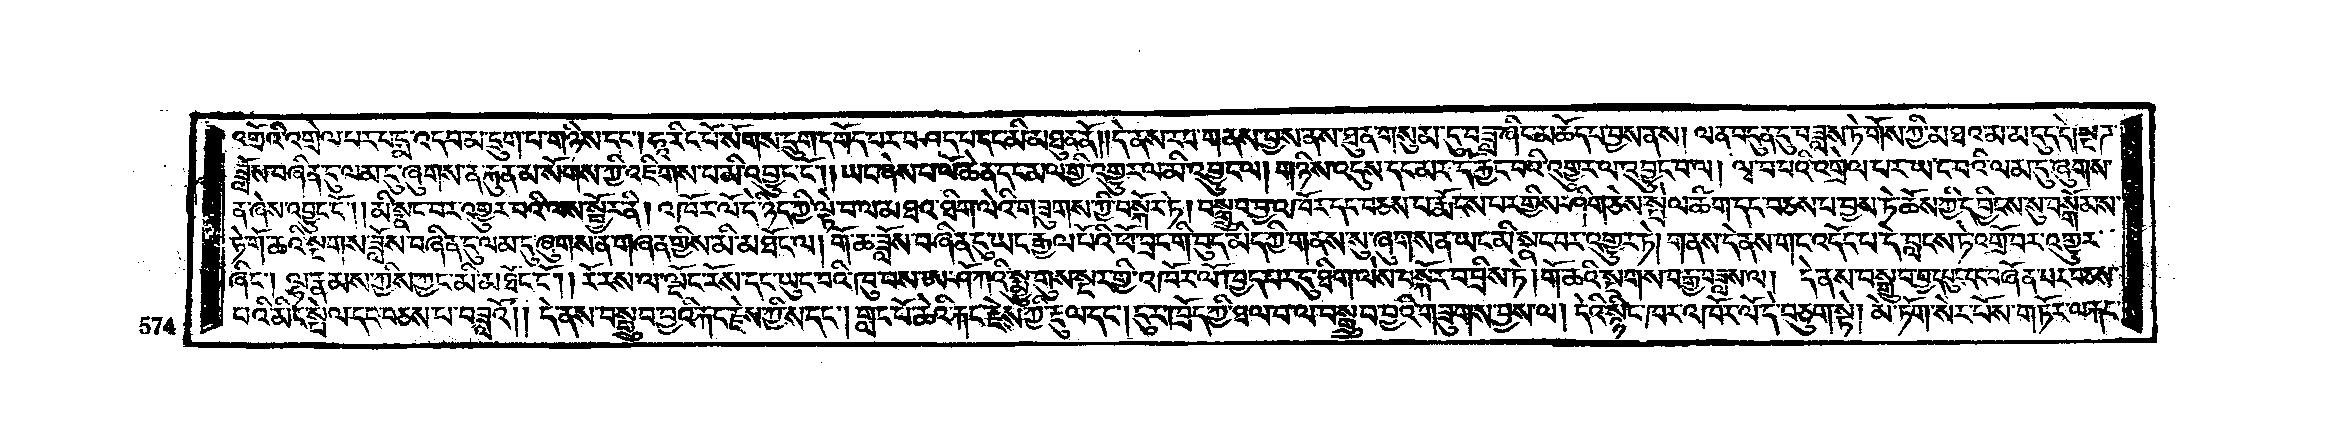འགྲོའི་འགྲེལ་པར་པདམ་འདབ་མ་དྲུག་པ་གཉིས་དང་། ཧཱ་རིང་པོ་སོགས་དྲུག་དགོད་པར་བཤད་པ་དང་མི་མཐུན་ནོ། །དེ་ནས་རབ་གནས་བྱས་ནས་ཐུན་གསུམ་དུ་བཟླ་ཞིང་མཆོད་པ་བྱས་ནས། ལན་བདུན་དུ་བཟླས་ཏེ་གོས་ཀྱི་མཐའ་མ་མདུད་དེ། སྔགས་
ཟློས་བཞིན་དུ་ལམ་དུ་ཞུགས་ན་རྐུན་མ་སོགས་ཀྱི་འཇིགས་པ་མི་འབྱུང་ངོ། །ཡང་ཞེས་པ་ལོ་ཆེན་དང་མལ་གྱི་འགྱུར་ལ་མི་འབྱུང་ལ། གཉིས་འདུས་དང་མར་དོ་རྐྱང་བའི་འགྱུར་ལ་འབྱུང་བ་ལ། ལྭ་བ་པའི་འགྲེལ་པར་ཡ་ང་བའི་ལམ་དུ་ཞུགས་
ན་ཞེས་འབྱུང་ངོ། །མི་སྣང་བར་འགྱུར་བའི་ལས་སྦྱོར་ནི། འཁོར་ལོ་དེ་ཉིད་ཀྱི་ལྟེ་བ་ལ་མཐའ་ཐིག་ལེའི་གཟུགས་ཀྱི་བསྐོར་ཏེ། བསྒྲུབ་བྱ་འཁོར་དང་བཅས་པ་རྨོངས་པར་གྱིས་ཤིག་ཅེས་སྤེལ་ཚིག་དང་བཅས་པ་བྱས་ཏེ་ཆོས་ཀྱི་དབྱིངས་སུ་བསྒོམས་
ཏེ་གོ་ཆའི་སྔགས་ཟློས་བཞིན་དུ་ལམ་དུ་ཞུགས་ན་གཞན་གྱིས་མི་མཐོང་ལ། གོ་ཆ་ཟློས་བཞིན་དུ་ཡང་རྒྱལ་པོའི་ཕོ་བྲང་གི་བུད་མེད་ཀྱི་གནས་སུ་ཞུགས་ན་ཡང་མི་སྣང་བར་འགྱུར་ཏེ། གནས་དེ་ནས་གང་འདོད་པ་དེ་བླངས་ཏེ་འགྲོ་བར་འགྱུར་
ཞིང་། ལྷ་རྣམས་ཀྱིས་ཀྱང་མི་མཐོང་ངོ། །རོ་རས་ལ་ལྡོང་རོས་དང་ཡུང་བའི་ཁུ་བས་ཨ་ཤོ་ཀའི་སྨྱུ་གུས་སྔར་གྱི་འཁོར་ལོ་ཁྱད་པར་དུ་ཐིག་ལེས་བསྐོར་བ་བྲིས་ཏེ། གོ་ཆའི་སྔགས་བརྒྱ་བཟླས་ལ། དེ་ནས་བསྒྲུབ་བྱ་དཔུང་དང་བཞོན་པར་བཅས་
པའི་མིང་སྤེལ་དང་བཅས་པ་བཟླའོ། །དེ་ནས་བསྒྲུབ་བྱའི་རྐང་རྗེས་ཀྱི་ས་དང་། གླང་པོ་ཆེའི་རྐང་རྗེས་ཀྱི་རྡུལ་དང་། དུར་ཁྲོད་ཀྱི་ཐལ་བ་ལ་བསྒྲུབ་བྱའི་གཟུགས་བྱས་ལ། དེའི་སྙིང་ཁར་འཁོར་ལོ་དེ་བཅུག་སྟེ། མེ་ཏོག་སེར་པོས་གཏོར་ལ་རྐང་